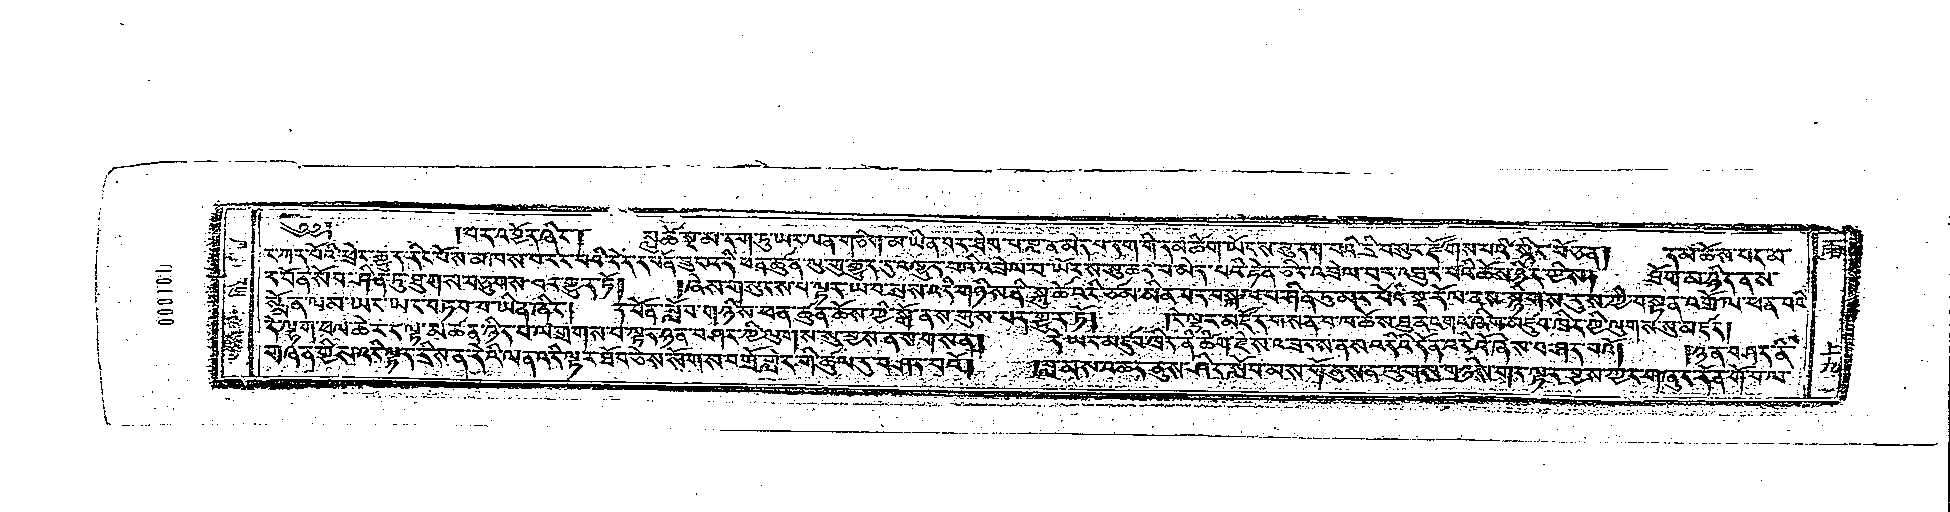༄༅། །པར་འབྱོར་ཞིང་། སྐུ་ཚེ་སྔ་མ་དག་ཏུ་ཡང་ལན་གཅིག་མ་ཡིན་པར་ཐེག་པ་བླ་ན་མེད་པ་དག་གི་དམ་ཚིག་ཡོངས་སུ་དག་པའི་དྲི་བ་སུར་རྫོགས་པའི་སྙིང་པོ་ཅན། དམ་ཆོས་པད་མ་
དཀར་པོའི་ཕྲེང་རྒྱུད་རིང་པོས་མཁས་བ་ངང་པའི་དེད་དཔོན་ཟུང་འདེ་ཕན་ཚུན་ལུ་གུ་རྒྱུད་དུ་འཁྱུད་པའི་འབྲེལ་བ་ཡོངས་སུ་ཆད་པ་མེད་པའི་རྟེན་ཅིང་འབྲེལ་བར་འཐུང་པའི་ཆོས་ཉིད་ཀྱིས། ཐོག་མ་ཉིད་ནས་
དབོན་སོབ་ཤིན་ཏུ་ཐུགས་བཅུགས་བར་གྱུར་ཏོ། །ཞེས་གསུངས་པ་ལྟར་ཡབ་སྲས་འདི་གཉིས་ནི་སྐུ་ཚེ་འདི་ཙམ་མིན་པར་བསྐལ་པ་ཤིན་ཏུ་མང་པོའི་སྔ་རོལ་ནས་སྙིགས་རུས་ཀྱི་བསྟན་འགྲོ་ལ་ཕན་པའི་
སྨོན་ལམ་ཡང་ཡང་བཏབ་པ་ཡིན་ཞིང་། དཔོན་སློབ་གཉིས་ཕན་ཚུན་ཆོས་ཀྱི་སྒོ་ནས་གུས་པར་གྱུར་ཏོ། །དེ་ལྟར་མཛོད་གསན་པ་ལ་ཆོས་ཐུན་འགའ་ཞིག་མཛུབ་ཁྲིད་ཀྱི་ལུགས་སུ་མཛད།
དེ་ལྷག་ཕལ་ཆེར་ད་ལྟ་མཚན་ཉིད་པ་ལ་གྲགས་པ་ལྟར་ཉན་བཤད་ཀྱི་ལུགས་སུ་བྱས་ནས་གསན། དེ་ཡང་མཛུབ་ཁྲིད་ནི་ཚིག་རྗེས་འབྲངས་ནས་འདིའི་དོན་འདིའོ་ཞེས་བཤད་པའོ། །ཉན་བཤད་ནི་
གཞན་གྱིས་འདི་ལྟར་དྲིས་ན་དེའི་ལན་འདི་ལྟར་ཐོབ་ཅེས་སོགས་བགྲོ་གླེང་གི་ཚུལ་དུ་བཤད་པའོ། །བླ་མས་འཆད་ནུས་ཤིང་སློབ་མས་གོ་ནུས་ན་ལུགས་གཉིས་གང་ལྟར་བྱས་ཀྱང་གཞུང་དོན་གོ་བ་ལ་